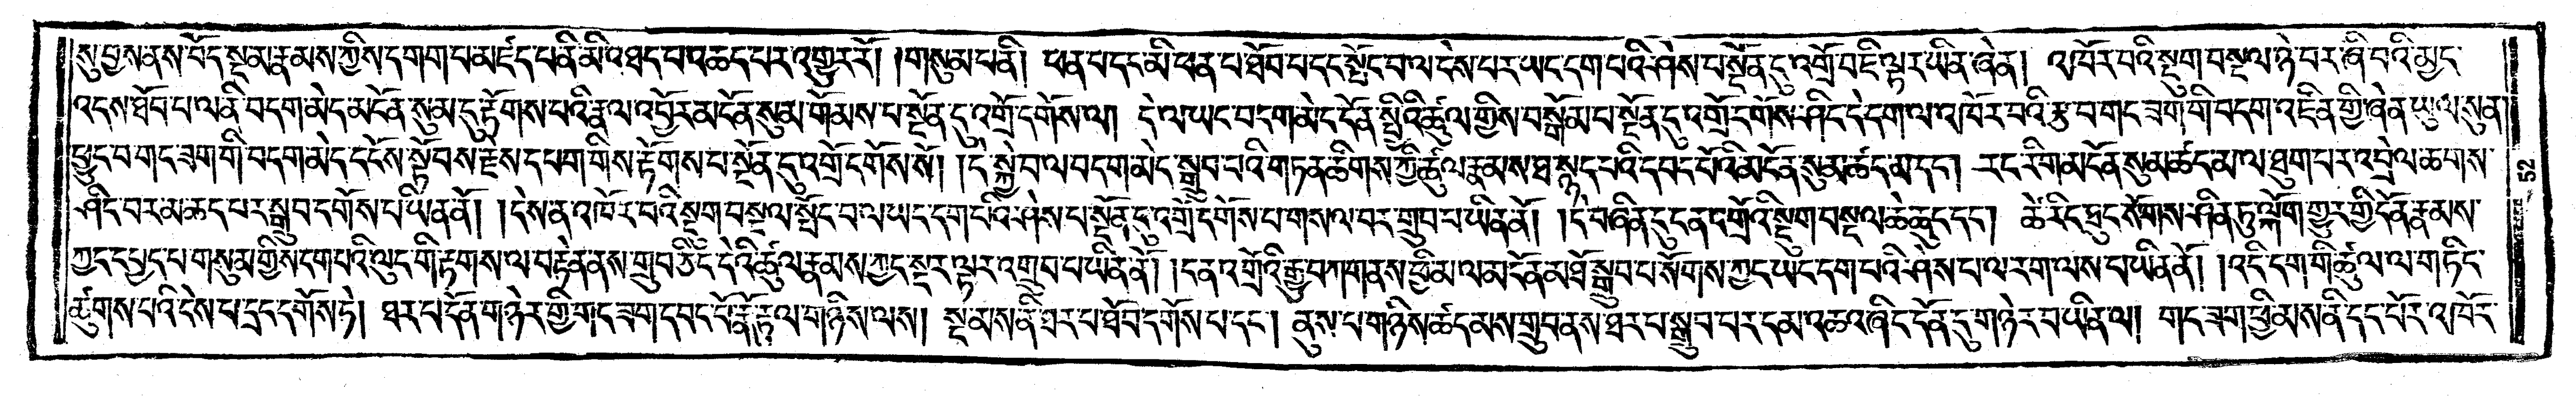སུ་བྱས་ནས་བོད་སྔ་མ་རྣམས་ཀྱིས་དགག་པ་མཛད་པ་ནི་མི་འཐད་པ་འཆད་པར་འགྱུར་རོ། །གསུམ་པ་ནི། ཕན་པ་དང་མི་ཕན་པ་ཐོབ་པ་དང་སྤོང་བ་ལ་ངེས་པར་ཡང་དག་པའི་ཤེས་པ་སྔོན་དུ་འགྲོ་བ་ཇི་ལྟར་ཡིན་ཞེ་ན། འཁོར་བའི་སྡུག་བསྔལ་ཉེ་བར་ཞི་བའི་མྱང་
འདས་ཐོབ་པ་ལ་ནི་བདག་མེད་མངོན་སུམ་དུ་རྟོགས་པའི་རྣལ་འབྱོར་མངོན་སུམ་གོམས་པ་སྔོན་དུ་འགྲོ་དགོས་ལ། དེ་ལ་ཡང་བདག་མེད་དོན་སྤྱིའི་ཚུལ་གྱིས་བསྒོམ་པ་སྔོན་དུ་འགྲོ་དགོས་ཤིང་དེ་དག་ལ་འཁོར་བའི་རྩ་བ་གང་ཟག་གི་བདག་འཛིན་གྱི་ཞེན་ཡུལ་སུན་
ཕྱུང་བ་གང་ཟག་གི་བདག་མེད་དངོས་སྟོབས་རྗེས་དཔག་གིས་རྟོགས་པ་སྔོན་དུ་འགྲོ་དགོས་སོ། །དེ་སྐྱེ་བ་ལ་བདག་མེད་སྒྲུབ་པའི་གཏན་ཚིགས་ཀྱི་ཚུལ་རྣམས་ཐ་སྙད་པའི་དབང་པོའི་མངོན་སུམ་ཚད་མ་དང་། རང་རིག་མངོན་སུམ་ཚད་མ་ལ་ཐུག་པར་འབྲེལ་ཆགས་
ཤིང་བར་མ་ཆད་པར་སྒྲུབ་དགོས་པ་ཡིན་ནོ། །དེས་ན་འཁོར་བའི་སྡུག་བསྔལ་སྤོང་བ་ལ་ཡང་དག་པའི་ཤེས་པ་སྔོན་དུ་འགྲོ་དགོས་པ་གསལ་བར་གྲུབ་པ་ཡིན་ནོ། །དེ་བཞིན་དུ་ངན་འགྲོའི་སྡུག་བསྔལ་ཆེ་ཆུང་དང་། ཚེ་རིང་ཐུང་སོགས་ཤིན་ཏུ་ལྐོག་གྱུར་གྱི་དོན་རྣམས་
ཀྱང་དཔྱད་པ་གསུམ་གྱིས་དག་པའི་ལུང་གི་རྟགས་ལ་བརྟེན་ནས་གྲུབ་ཅིང་དེའི་ཚུལ་རྣམས་ཀྱང་སྔར་ལྟར་འགྲུབ་པ་ཡིན་ནོ། །ངན་འགྲོའི་རྒྱུ་བཀག་ནས་ཕྱི་མ་ལ་མངོན་མཐོ་སྒྲུབ་པ་སོགས་ཀྱང་ཡང་དག་པའི་ཤེས་པ་ལ་རག་ལས་པ་ཡིན་ནོ། །འདི་དག་གི་ཚུལ་ལ་གཏིང་
ཚུགས་པའི་ངེས་པ་དྲང་དགོས་ཏེ། ཐར་པ་དོན་གཉེར་གྱི་གང་ཟག་དབང་པོ་རྣོ་རྟུལ་གཉིས་ལས། སྔ་མས་ནི་ཐར་པ་ཐོབ་དགོས་པ་དང་། ནུས་པ་གཉིས་ཚད་མས་གྲུབ་ནས་ཐར་པ་སྒྲུབ་པར་དམ་འཆའ་ཞིང་དོན་དུ་གཉེར་བ་ཡིན་ལ། གང་ཟག་ཕྱི་མས་ནི་དང་པོར་འཁོར་